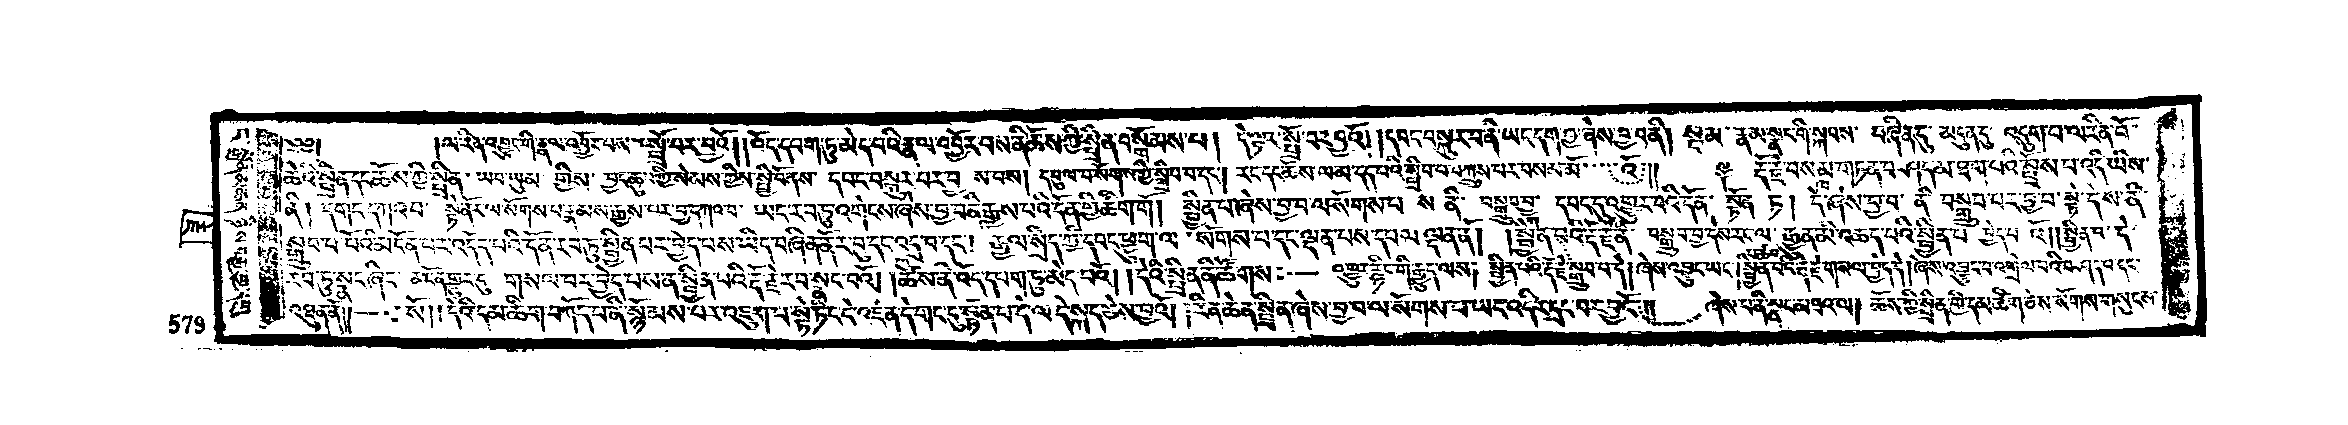༄༅། ། ལ་རིན་འབྱུང་གི་རྣལ་འབྱོར་པས་སྤྲོ་བར་བྱའོ། །འོད་དཔག་ཏུ་མེད་པའི་རྣལ་འབྱོར་པས་ནི་ཆོས་ཀྱི་སྤྲིན་བསྒོམས་ལ། དེ་ལྟར་སྤྲོ་བར་བྱའོ། །དབང་བསྐུར་བ་ནི་ཡང་དག་བྱ་ཞེས་བྱ་བ་ནི། སྔ་མ་རྣམ་སྣང་གི་སྐབས་བཞིན་དུ་མདུན་དུ་འདུག་པ་ལ་རིན་པོ་
ཆེའི་སྤྲིན་དང་ཆོས་ཀྱི་སྤྲིན་ཡབ་ཡུམ་གྱིས་བྱང་ཆུབ་ཀྱི་སེམས་ཀྱིས་སྤྱི་བོ་ནས་དབང་བསྐུར་བར་བྱས་པས། དབུལ་བ་སོགས་ཀྱི་སྒྲིབ་པ་དང་། རང་དང་ཆོས་ལ་མ་དད་པའི་སྒྲིབ་པ་བཀྲུས་པར་བསམ་མོ་འོ།། ༈ རྡོ་རྗེ་བསམ་གཏན་བཤད་མ་ཐག་པའི་སྤྲོས་པ་འདི་ཡིས་
ནི། དགང་དཀའ་བ་སྟེ་ནོར་ལ་སོགས་པ་རྣམས་རྒྱས་པར་བྱ་དཀའ་བ་ཡང་རབ་ཏུ་འགེངས་ཞེས་བྱ་བ་ནི་རྒྱས་པའི་དོན་གྱི་ཚིག་གོ། སྦྱིན་པ་ཞེས་བྱ་བ་ལ་སོགས་པས་ནི་བསྒྲུབ་བྱ་དབང་དུ་འགྱུར་བའི་དོན་སྟོན་ཏེ། དེ་ཁ་ཞེས་བྱ་བ་ནི་བསྒྲུབ་པར་བྱ་བ་སྟེ་དེས་ནི་
སྒྲུབ་པ་པོའི་མངོན་པར་འདོད་པའི་དོན་རབ་ཏུ་སྦྱིན་པར་བྱེད་པས་ཡིད་བཞིན་ནོར་བུ་དང་འདྲ་བ་དང་། རྒྱལ་སྲིད་ཀྱི་དབང་ཕྱུག་ལ་སོགས་པ་དན་ལྡན་པས་དཔལ་ལྡན་ནོ། །སྦྱིན་པའི་རྡོ་རྗེ་ནི་བསྒྲུབ་བྱ་དེས་རང་ལ་རྒྱུན་མི་འཆད་པའི་སྦྱིན་པ་བྱེད་པའོ། །སྦྱིན་པ་དེ་
རབ་ཏུ་སྣང་ཞིང་མངོན་གྱུར་དུ་གསལ་བར་བྱེད་པས་ན་སྦྱིན་པའི་རྡོ་རྗེ་རབ་སྣང་བའོ། །ཆོས་ནི་འོད་དཔག་ཏུ་མེད་པའོ། །དེའི་སྤྲིན་ནི་ཚོགས་H.་འགྱུར་རྙིང་གི་རྒྱུད་ལས། སྦྱིན་པའི་རྡོ་རྗེ་སྒྲུབ་པ་དེ། ཞེས་འབྱུང་ཡང་། ཕ་ཚབ་སྦྱིན་པའི་རྡོ་རྗེ་གསལ་བྱེད་དེ། ཞེས་འབྱུང་བ་འགྲེལ་བའི་བཤད་པ་དང་
འཐུན་ནོ།། .H སོ། །དེའི་དམ་ཚིག་བཀོད་པ་ནི་སྙོམས་པར་འཇུག་པ་སྟེ་ཏིང་ངེ་འཛིན་དེ་གང་དུ་སྟོན་པ་དེ་ལ་དེ་སྐད་ཅེས་བྱའོ། །རིན་ཆེན་སྤྲིན་ཞེས་བྱ་བ་ལ་སོགས་པ་ཡང་འདིར་དྲང་བར་བྱའོ།། ཞེས་པ་ནི་སྣང་མཐའ་ལ། ཆོས་ཀྱི་སྤྲིན་གྱི་དམ་ཚིག་ཅེས་སོགས་གསུངས་